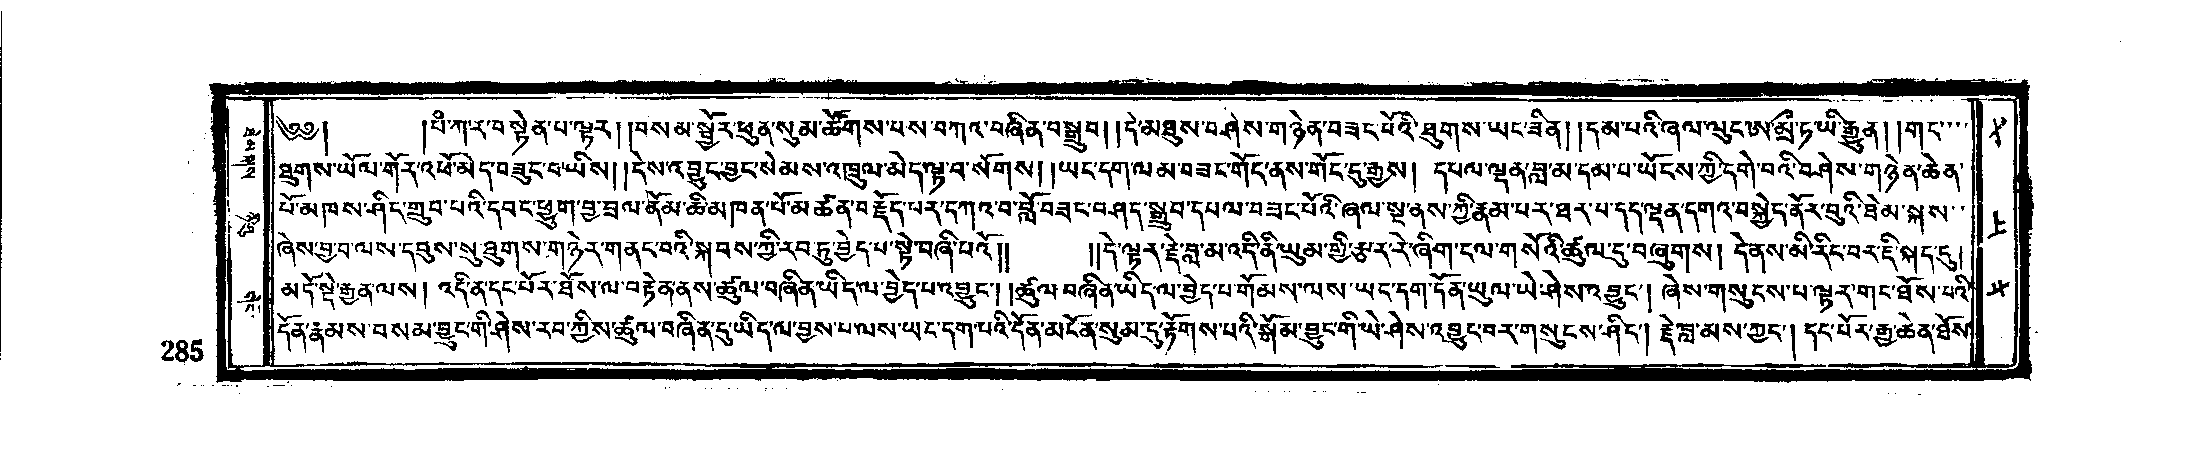༄༅། །པཾ་ཀ་ར་བསྟེན་པ་ལྟར། །བསམ་སྦྱོར་ཕུན་སུམ་ཚོགས་པས་བཀའ་བཞིན་བསྒྲུབ། །དེ་མཐུས་བཤེས་གཉེན་བཟང་པོའི་ཐུགས་ཡང་ཟིན། །དམ་པའི་ཞལ་ལུང་ཨ་མྲྀ་ཏ་ཡི་རྒྱུན། །གང་
ཐུགས་ཡོལ་གོར་འཕོ་མེད་བཟུང་བ་ཡིས། །དེས་འབྱུང་བྱང་སེམས་འཁྲུལ་མེད་ལྟ་བ་སོགས། །ཡང་དག་ལམ་བཟང་གོང་ནས་གོང་དུ་རྒྱས། དཔལ་ལྡན་བླ་མ་དམ་པ་ཡོངས་ཀྱི་དགེ་བའི་བཤེས་གཉེན་ཆེན་
པོ་མཁས་ཤིང་གྲུབ་པའི་དབང་ཕྱུག་བྱ་བྲལ་ནོམ་ཆི་མཁན་པོ་མཚན་བརྗོད་པར་དཀའ་བ་བློ་བཟང་བཤད་སྒྲུབ་དཔལ་བཟང་པོའི་ཞལ་སྔ་ནས་ཀྱི་རྣམ་པར་ཐར་པ་དད་ལྡན་དགའ་བསྐྱེད་ནོར་བུའི་ཐེམ་སྐས་
ཞེས་བྱ་བ་ལས་དབུས་སུ་ཐུགས་གཉེར་གནང་བའི་སྐབས་ཀྱི་རབ་ཏུ་བྱེད་པ་སྟེ་བཞི་པའོ།། །།དེ་ལྟར་རྗེ་བླ་མ་འདི་ནི་ཡུམ་གྱི་རྩར་རེ་ཞིག་ངལ་གསོའི་ཚུལ་དུ་བཞུགས། དེ་ནས་མི་རིང་བར་ཇི་སྐད་དུ།
མདོ་སྡེ་རྒྱན་ལས། འདི་ན་དང་པོར་ཐོས་ལ་བརྟེན་ནས་ཚུལ་བཞིན་ཡིད་ལ་བྱེད་པ་འབྱུང་། །ཚུལ་བཞིན་ཡིད་ལ་བྱེད་པ་གོམས་ལས་ཡང་དག་དོན་ཡུལ་ཡེ་ཤེས་འབྱུང་། ཞེས་གསུངས་པ་ལྟར་གང་ཐོས་པའི་
དོན་རྣམས་བསམ་བྱུང་གི་ཤེས་རབ་ཀྱིས་ཚུལ་བཞིན་དུ་ཡིད་ལ་བྱས་པ་ལས་ཡང་དག་པའི་དོན་མངོན་སུམ་དུ་རྟོགས་པའི་སྒོམ་བྱུང་གི་ཡེ་ཤེས་འབྱུང་བར་གསུངས་ཤིང་། རྗེ་བླ་མས་ཀྱང་། དང་པོར་རྒྱ་ཆེན་ཐོས་